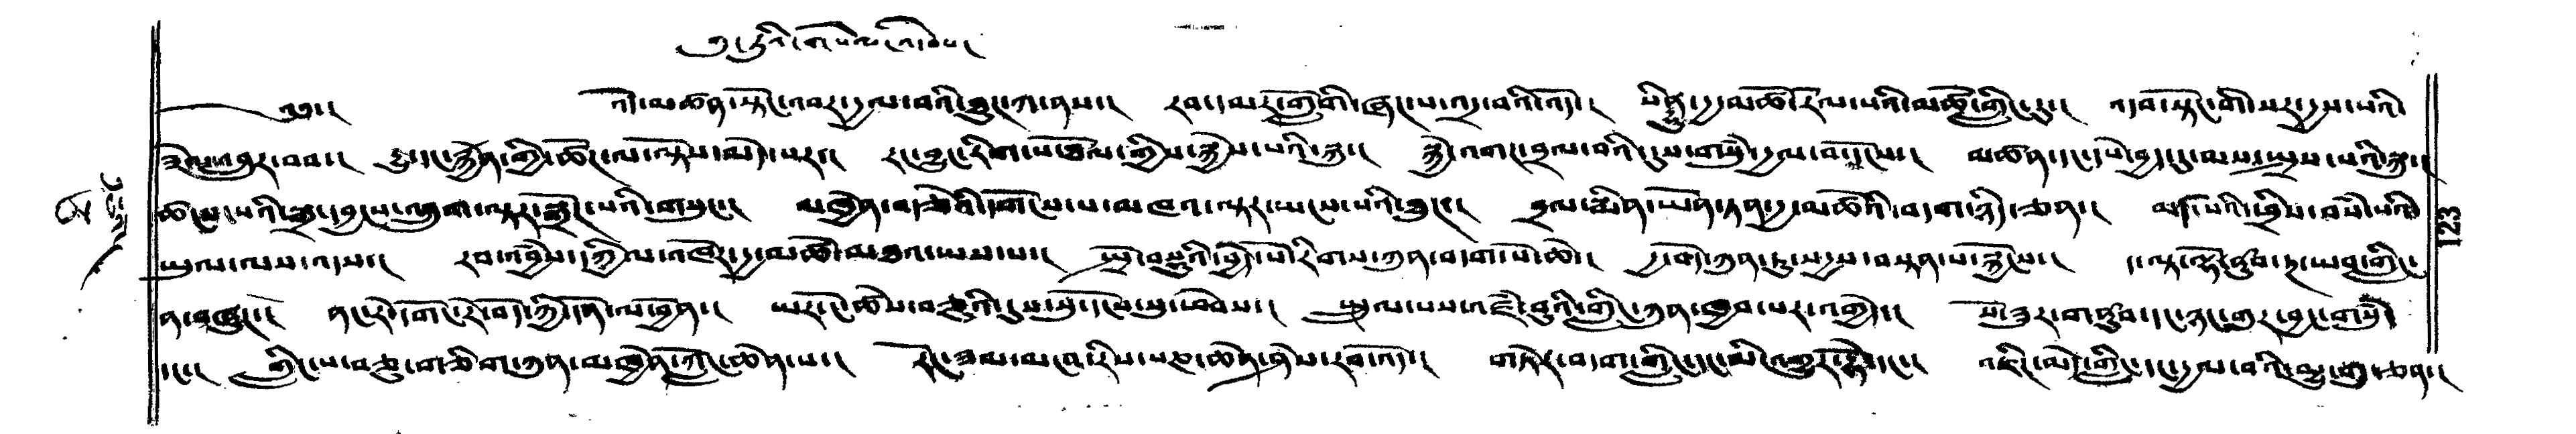གུ་རུའི་གསོལ་འདེབས འོད་མཚན་སྟོང་འབར་རྒྱལ་བའི་ཐུགས་ཀ་ནས། །རབ་དམར་གློག་གི་ཞགས་པ་འདྲ་བའི་འོད། །སིནྡྷུ་རྒྱ་མཚོ་རོལ་པའི་མཚོ་གླིང་དུ། །འདབ་སྟོང་གེ་སར་རྒྱས་པའི་
ཟེ་འབྲུར་བབ། །རྒྱུ་དང་རྐྱེན་གྱི་ཚོགས་ལ་ལྟོས་མེད་པར། །རང་བྱུང་རིག་པ་ཐོལ་གྱིས་སྐྱེས་པའི་སྐུ། །སྐྱེ་འགག་བྲལ་བའི་དུས་གསུམ་རྒྱལ་བ་དངོས། །མཚན་དང་དཔེ་བྱད་དུ་མས་སྤྲས་པའི་སྐུ། །
ཚངས་པའི་སྒྲ་དབྱངས་འབྲུག་ལྟར་སྒྲོག་པའི་གསུང་། །མཁྱེན་བརྩེའི་དགོངས་པ་མཁའ་ལྟར་ཡངས་པའི་ཐུགས། །བྲལ་སྨིན་ཡོན་ཏན་རྒྱ་མཚོའི་བདག་ཉིད་ཅན། །མཛད་པའི་ཕྲིན་ལས་བསམ་པའི་
ཡུལ་ལས་འདས། །རབ་འབྱམས་དཀྱིལ་འཁོར་རྒྱ་མཚོ་མཐའ་ཡས་པ། །སྤྲོ་བསྡུའི་བྱེད་པོ་རིགས་ཀུན་བདག་པོ་ཆེ། །རྒྱ་བོད་ཀུན་ཏུ་སངས་རྒྱས་བསྟན་པ་སྐྱོང་། །ད་ལྟ་ལྷོ་ནུབ་རྔ་ཡབ་གླིང་
ན་བཞུགས། །ནངས་རེ་དགོང་རེ་བོད་ཀྱི་དོན་ལ་བྱོན། །ཡར་ངོ་ཚེས་བཅུའི་དུས་སུ་དངོས་སུ་ཕེབས། །སྤྲུལ་པས་འཛམ་བུའི་གླིང་ཀུན་ཁྱབ་པར་འགྱེད། །སོ་ཟུར་གནུབས་དང་ཉང་གུར་བྱང་གསུམ་
དང་། །གླིང་པ་བཅུ་གཅིག་ཀུན་མཁྱེན་ཀློང་ཆེན་པ། །རོང་ཟོམ་མངའ་རིས་པཎ་ཆེན་ཤེས་རབ་འོད། །གཏེར་བདག་གླིང་དང་མི་འགྱུར་རྡོ་རྗེ་དང་། །འཇིགས་མེད་གླིང་དང་རྒྱལ་བའི་མྱུ་གུ་ཅན།